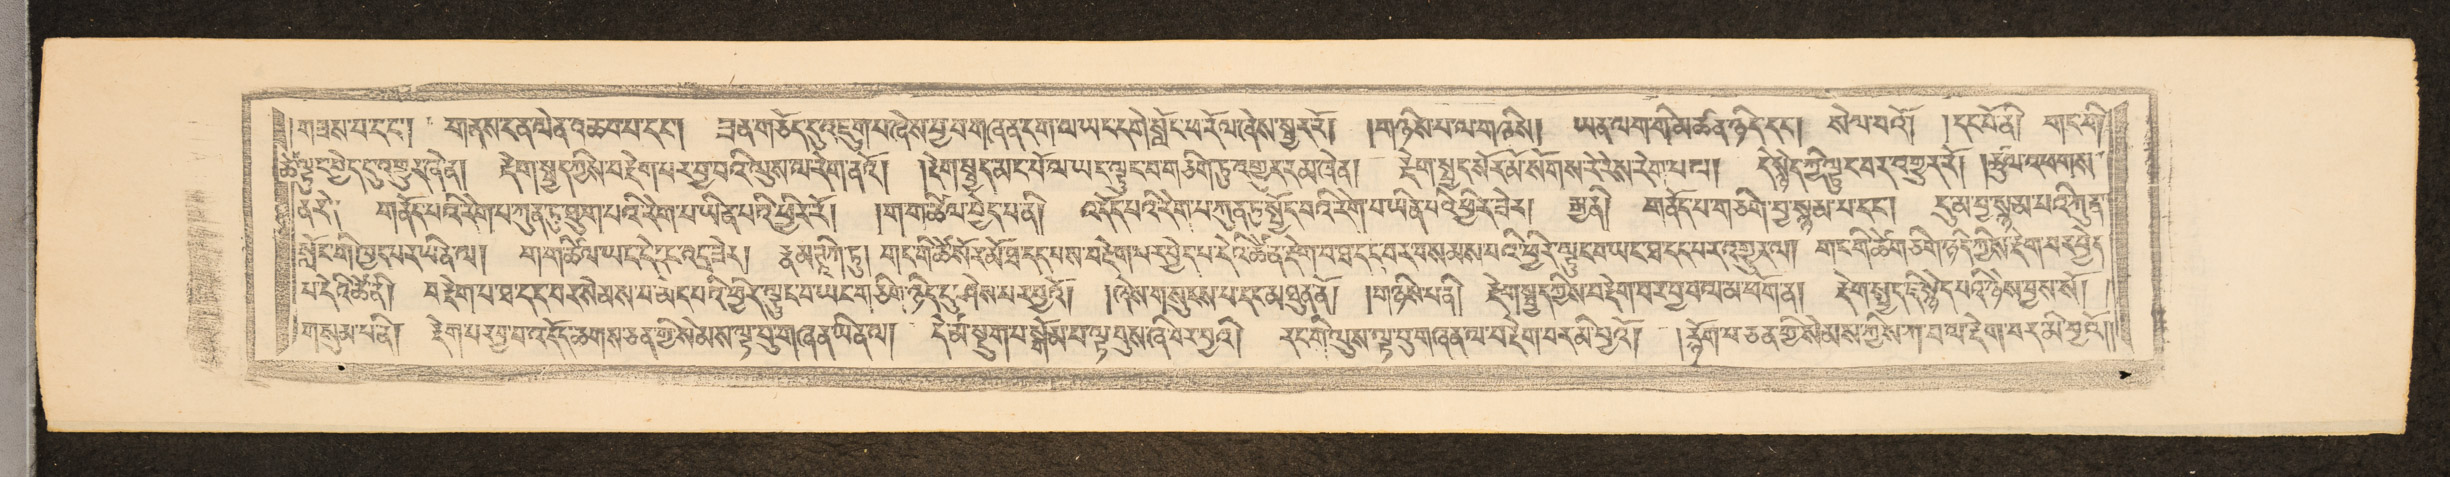གཟས་པ་དང་། གནས་ངན་ལེན་འཆབ་པ་དང་། ཟན་གཅོད་དུ་འཇུག་པ་ཞེས་བྱ་བ་གཞན་ངག་ལ་ཡང་དགེ་སློང་ཕ་རོལ་ཞེས་སྦྱར་རོ། །གཉིས་པ་ལ་གཉིས། ཡན་ལག་གི་མཚན་ཉིད་དང་། སེལ་བའི། །དང་བ་ནི། གང་གི་
ལྟུང་བྱེད་དུ་འགྱུར་ཞེན། རྡེག་སྤྱད་ཀྱིས་བརྡེག་པར་བྱ་བའི་ལུས་ལ་རེག་ནའོ། །རྡེག་སྤྱད་མང་པོ་ལ་ཡང་ལྟུང་བ་གཅིག་ཏུ་འགྱུར་རམ་ཞེ་ན། རྡེག་སྤྱང་སོར་མོ་སོགས་རེ་རེས་རེག་པ་ལ། དེ་སྙེང་ཀྱི་ལྟུང་བར་འགྱུར་རོ། །ཚུལ་འཕགས་
ན་རེ༑ གནོད་པའི་རེག་པ་ཀུན་ཏུ་ཐུག་པའི་རེག་པ་ཡིན་པའི་ཕྱིར་རོ། །ག་ག་ཚིལ་བྱེད་པ་ནི། འདོད་པའི་རེག་བ་ཀུན་ཏུ་སྤྱོད་པའི་རེག་པ་ཡིན་པའི་ཕྱིར་ཟེར། རྒྱ་ནི། གནོད་པ་གཅིག་བྱ་སྙམ་པ་དང་། དུ་མ་བྱ་སྙམ་པའི་ཀུན་
སློང་གི་ཁྱད་པར་ཡིན་ལ། ག་ག་ཚིལ་ཡང་དེ་དང་འདྲ་ཟེར། རྣམ་ཊཱཀ་ཏུ། གང་གི་ཚེ་སོར་མོ་ཐ་དད་བས་བརྡེག་པར་བྱེད་བ་དེའི་ཚེན་རྡེག་བ་ཐ་དད་བར་བསམས་པའི་ཕྱིར་ལྟུང་བ་ཡང་ཐ་དད་པར་འགྱུར་ལ། གང་གི་ཚེ་གཅིག་ཉིད་ཀྱིས་རྡེག་པར་བྱེད་
པ་དེའི་ཚེ་ནི། བརྡེག་པ་ཐ་དད་པར་སེམས་པ་མེད་པའི་ཕྱིར་ལྟུང་བ་ཡང་གཅིག་ཉིད་དུ་ཤེས་པར་བྱའོ། །ཞེས་གསུངས་པ་དད་མཐུན་ནོ། །གཉིས་བ་ནི། རྡེག་སྦྱད་ཀྱིས་བརྡེག་པར་བྱ་བ་ལ་མ་ཕོག་ན། རྡེག་སྦྱད་ཇི་སྙེད་པའི་ཉེས་བྱས་སོ། །
གསུམ་པ་ནི། རྡེག་པར་བྱ་བ་འདོད་ཆགས་ཅན་གྱི་སེམས་ལྟ་བུ་གཞན་ཡིན་ལ། དེ་མི་སྡུག་པ་སྒོམ་པ་ལྟ་བུས་ཞི་བར་བྱའི། རང་གི་ལུས་ལྟ་བུ་གཞན་ལ་བརྡེག་བར་མི་བྱའོ། །རྙོག་པ་ཅན་གྱི་སེམས་ཀྱིས་ཀ་བ་ལ་རྡེག་བར་མི་བྱའོ།།